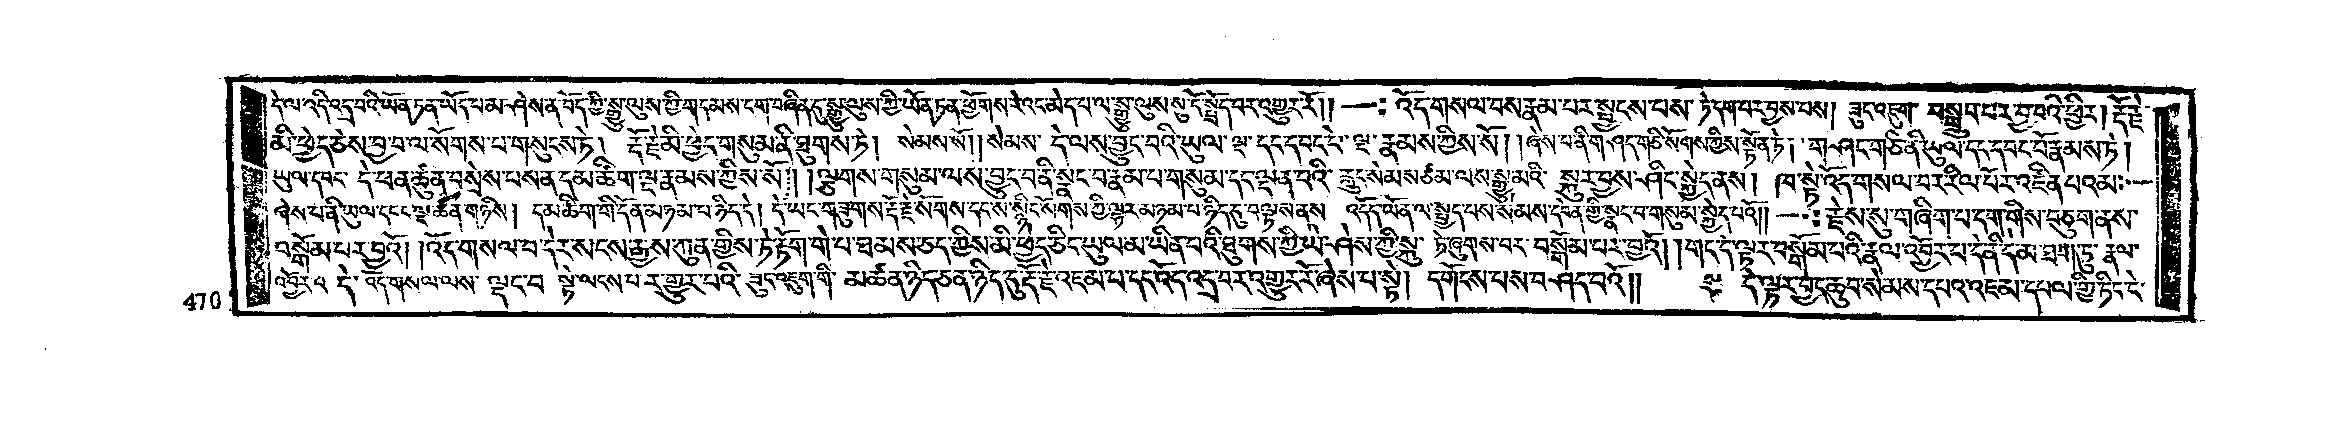དེ་ལ་འདི་འདྲ་བའི་ཡོན་ཏེན་ཡོད་པ་མ་ཤེས་ན་བོད་ཀྱི་སྒྱུ་ལུས་ཀྱི་གདམས་ངག་བཞིན་དུ་སྒྱུ་ལུས་ཀྱི་ཡོན་ཏན་ཕྱོགས་རེའང་མེད་པ་ལ་སྒྱུ་ལུས་སུ་ངོ་སྤྲོད་པར་འགྱུར་རོ།།.H འོད་གསལ་བས་རྣམ་པར་སྦྱངས་པས་ཏེ་དག་པར་བྱས་པས།  ཟུང་འཇུག་བསྒྲུབ་པར་བྱ་བའི་ཕྱིར། རྡོ་རྗེ་
མི་ཕྱེད་ཅེས་བྱ་བ་ལ་སོགས་པ་གསུངས་ཏེ། རྡོ་རྗེ་མི་ཕྱེད་གསུམ་ནི་ཐུགས་ཏེ། སེམས་སོ།  །སེམས་དེ་ལས་བྱུང་བའི་ཡུལ་ལྔ་དང་དབང་པོ་ལྔ་རྣམས་ཀྱིས་སོ། ། ཞེས་པ་ནི་གཤད་གཅི་སོགས་ཀྱིས་སྟོན་ཏེ། གཤང་གཅེ་ནི་ཡུལ་དང་དབང་པོ་རྣམས་ཏེ།
ཡུལ་དབང་དེ་ཕན་ཚུན་བསྲེས་པས་ན་དམ་ཚིག་ལྔ་རྣམས་ཀྱིས་སོ། །ལྕགས་གསུམ་ལས་བྱུང་བ་ནི་སྣང་བ་རྣམ་པ་གསུམ་དང་ལྡན་པའི་རླུང་སེམས་ཙམ་ལས་སྒྱུ་མའི་སྐུར་བྱས་ཤིང་སྐྱེད་ནས། ཁ་སྟེ་འོད་གསལ་བར་རིལ་པོར་འཛིན་པའམཿ
ཞེས་པ་ན་ཡུལ་དང་ལྔ་ཚན་གཉིས། དམ་ཚིག་གི་དོན་མཉམ་པ་ཉིད་དེ། དེ་ཡང་གཟུགས་རྡོ་རྗེ་སོགས་དང་ས་སྙིང་སོགས་ཀྱི་ལྷར་མཉམ་པ་ཉིད་དུ་བལྟས་ནས། འདོད་ཡོན་ལ་སྤྱད་པས་སེམས་དབེན་གྱི་སྣང་བ་གསུམ་སྐྱེད་པའོ།།.H རྗེས་སུ་གཞིག་པ་དག་གིས་བཅུག་ནས་
བསྒོམ་པར་བྱའོ། །འོད་གསལ་བ་དེར་སངས་རྒྱས་ཀུན་གྱིས་ཏེ་རྟོག་གེ་པ་ཐམས་ཅད་ཀྱིས་མི་ཕྱེད་ཅིང་ཡུལ་མ་ཡིན་པའི་ཐུགས་ཀྱི་ཡེ་ཤེས་ཀྱི་སྐུ་ཏེ་ཞུགས་པར་བསྒོམ་པར་བྱའོ། །གང་དེ་ལྟར་བསྒོམ་པའི་རྣལ་འབྱོར་པ་དེ་ནི་དེ་མ་ཐག་ཏུ་རྣལ་
འབྱོར་པ་དེ་འོད་གསལ་ལས་ལྡང་བ་སྟེ་ལྔས་པར་གྱུར་པའི་ཟུང་འཇུག་གི་མཚན་ཉིད་ཅན་ཉིད་དུ་རྡོ་རྗེ་འཇམ་པ་དང་འོད་འདྲ་བར་འགྱུར་རོ་ཞེས་པ་སྟེ། དགོངས་པས་བཤད་པའོ།། ༈ དེ་ལྟར་བྱང་ཆུབ་སེམས་དཔའ་འཇམ་དཔལ་གྱི་ཏིང་ངེ་